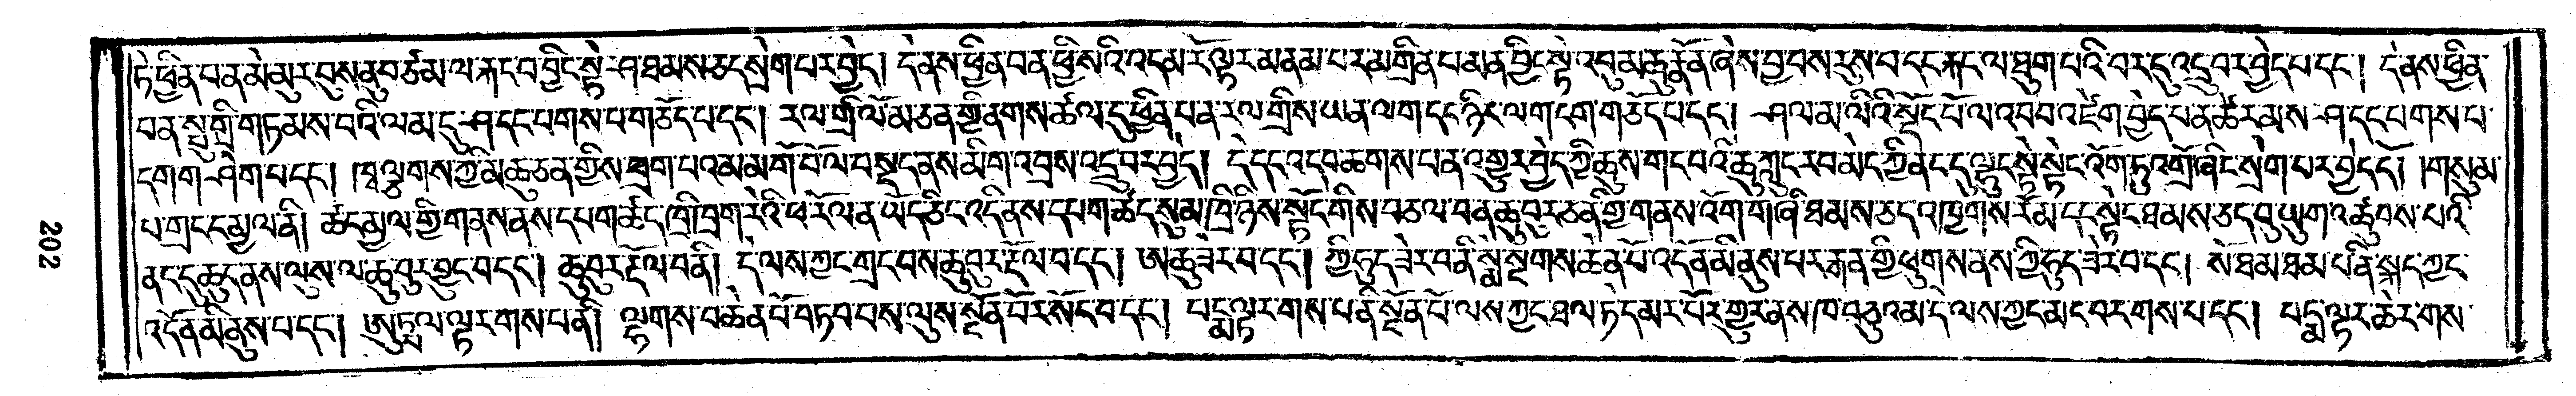ཏེ་ཕྱིན་པ་ན་མེ་མུར་བུས་ནུབ་ཙམ་ལ་རྐང་བ་བྱིད་སྟེ་ཤ་ཐམས་ཅད་སྲེག་པར་བྱེད། དེ་ནས་ཕྱིན་བ་ན་ཕྱི་སའི་འདམ་རོ་ལྟར་མནམ་པར་མགྲིན་པ་མན་བྱིད་སྟེ་འབུམ་ཆུ་རྣོན་ཞེས་བྱ་བས་རུས་པ་དང་རྐང་ལ་ཐུག་པའི་བར་དུ་འདྲུ་བར་བྱེད་པ་དང་། དེ་ནས་ཕྱིན་
པ་ན་སྤུ་གྲི་གཏམས་པའི་ལམ་དུ་ཤ་དང་པགས་པ་གཅོད་པ་དང་། རལ་གྲི་ལོ་མ་ཅན་གྱི་ནགས་ཚལ་དུ་ཕྱིན་པ་ན་རལ་གྲིས་ཡན་ལག་དང་ཉིར་ལག་ངག་གཅོད་པ་དང་། ཤལ་མ་ལིའི་སྡོང་པོ་ལ་འབབ་འཛེག་བྱེད་པ་ན་ཚེར་མས་ཤ་དང་པགས་པ་
དག་གཤེག་པ་དང་། ཁྭ་ལྕགས་ཀྱི་མཆུ་ཅན་གྱིས་ཕྲག་པའམ་མགོ་བོ་ལ་བསྡད་ནས་མིག་འབྲས་འདྲུ་བར་བྱེད། དེ་དང་འདབ་ཆགས་པ་ན་འགྱུར་བྱེད་ཀྱི་ཆུས་གང་བའི་ཆུ་ཀླུང་རབ་མེད་ཀྱི་ནང་དུ་ལྷུང་སྟེ་སྟེང་འོག་ཏུ་འགྲོ་ཞིང་སྲེག་པར་བྱེད་དོ། །གསུམ་
པ་གྲང་དམྱལ་ནི། ཚ་དམྱལ་གྱི་གནས་ནས་དཔག་ཚད་ཁྲི་ཁྲག་རེའི་ཕ་རོལ་ན་ཡོད་ཅིང་འདི་ནས་དཔག་ཚད་སུམ་ཁྲི་ཉིས་སྟོང་གི་བཅལ་བ་ན་ཆུ་བུར་ཅན་གྱི་གནས་འོག་གཞི་ཐམས་ཅད་འཁྱགས་རོམ་དང་སྟེང་ཐམས་ཅད་བུ་ཡུག་འཚུབས་པའི་
ནང་དུ་ཆུད་ནས་ལུས་ལ་ཆུ་བུར་བྱུང་བ་དང་། ཆུ་བུར་རྡོལ་བ་ནི། དེ་ལས་ཀྱང་གྲང་བས་ཆུ་བུར་རྡོལ་བ་དང་། ཨ་ཆུ་ཟེར་བ་དང་། ཀྱི་ཧུད་ཟེར་བ་ནི་སྨེ་སྔགས་ཆེན་པོ་འདོན་མི་ནུས་པར་རྒན་གྱི་ཕུགས་ནས་ཀྱི་ཧུད་ཟེར་བ་དང་། སོ་ཐམ་ཐམ་པ་ནི་སྐད་ཀྱང་
འདོན་མི་ནུས་པ་དང་། ཨུཏྤལ་ལྟར་གས་པ་ནི། ལྷགས་པ་ཆེན་པོ་བཏབ་པས་ལུས་སྔོན་པོར་སོང་བ་དང་། པདམ་ལྟར་གས་པ་ནི་སྔོན་པོ་ལས་ཀྱང་ཐལ་ཏེ་དམར་པོར་གྱུར་ནས་ཁ་བཅུའམ་དེ་ལས་ཀྱང་མང་བར་གས་པ་དང་། པདམ་ལྟར་ཆེར་གས་